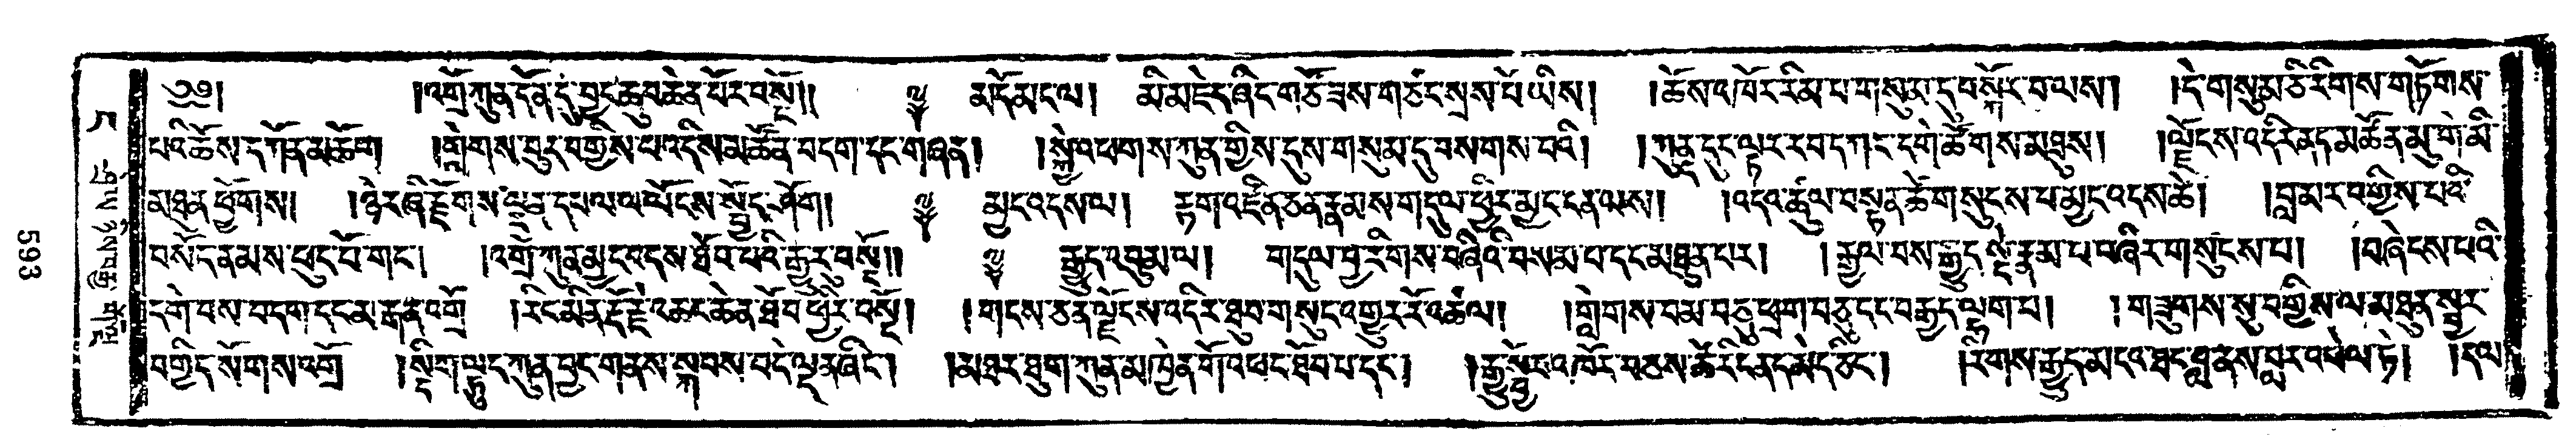༄༅། །འགྲོ་ཀུན་དོན་དུ་བྱང་ཆུབ་ཆེན་པོར་བསྔོ།། ༈ །མདོ་མང་ལ། མི་མཇེད་ཞིང་གཙོ་ཟས་གཙང་སྲས་པོ་ཡིས། །ཆོས་འཁོར་རིམ་པ་གསུམ་དུ་བསྐོར་བ་ལས། །དེ་གསུམ་ཅི་རིགས་གཏོགས་
པའི་ཆོས་དཀོན་མཆོག །གླེགས་བུར་བགྱིས་པ་འདིས་མཚོན་བདག་དང་གཞན། །སྐྱེ་འཕགས་ཀུན་གྱིས་དུས་གསུམ་དུ་བསགས་བའི། །ཀུནྡ་དུང་ལྟར་རབ་དཀར་དགེ་ཚོགས་མཐུས། །ལྗོངས་འདིར་ནད་མཚོན་མུ་གེ་མི་
མཐུན་ཕྱོགས། །ཉེར་ཞི་རྫོགས་ལྡན་དཔལ་ལ་ལོངས་སྤྱོད་ཤོག། ༈ མྱང་འདས་ལ། རྟག་འཛིན་ཅན་རྣམས་གདུལ་ཕྱིར་མྱ་ངན་ལས། །འདའ་ཚུལ་བསྟན་ཚེ་གསུངས་པ་མྱང་འདས་ཚེ། །བླ་མར་བགྱིས་པའི་
བསོད་ནམས་ཕུང་པོ་གང་། །འགྲོ་ཀུན་མྱང་འདས་ཐོབ་པའི་རྒྱུ་རུ་བསྔོ།། ༈ རྒྱུད་འབུམ་པ། གདུལ་བྱ་རིགས་བཞིའི་བསམ་པ་དང་མཐུན་པར། །རྒྱལ་བས་རྒྱུད་སྡེ་རྣམ་པ་བཞིར་གསུངས་པ། །བཞེངས་པའི་
དགེ་བས་བདག་དང་མ་རྒན་འགྲོ་།རིང་མིན་རྡོ་རྗེ་འཆང་ཆེན་ཐོབ་ཕྱིར་བསྔོ། །གངས་ཅན་ལྗོངས་འདིར་ཐུབ་གསུང་འགྱུར་རོ་འཚལ། །གླེགས་བམ་བཅུ་ཕྲག་བཅུ་དང་བརྒྱད་ལྷག་པ། །གཟུགས་སུ་བགྱིས་ལ་མཐུན་སྦྱར་
བགྱིད་སོགས་འགྲོ་།སྡིག་ལྟུང་ཀུན་བྱང་གནས་སྐབས་བདེ་ལྡན་ཞིང་། །མཐར་ཐུག་ཀུན་མཁྱེན་གོ་འཕང་ཐོབ་པ་དང་། །རྒྱུ་སྦྱོར་འཁོར་བཅས་ཚེ་རིང་ནད་མེད་ཅིང་། །རིགས་རྒྱུད་མངའ་ཐང་བླ་ནས་བླར་འཕེལ་ཏེ། །དལ་